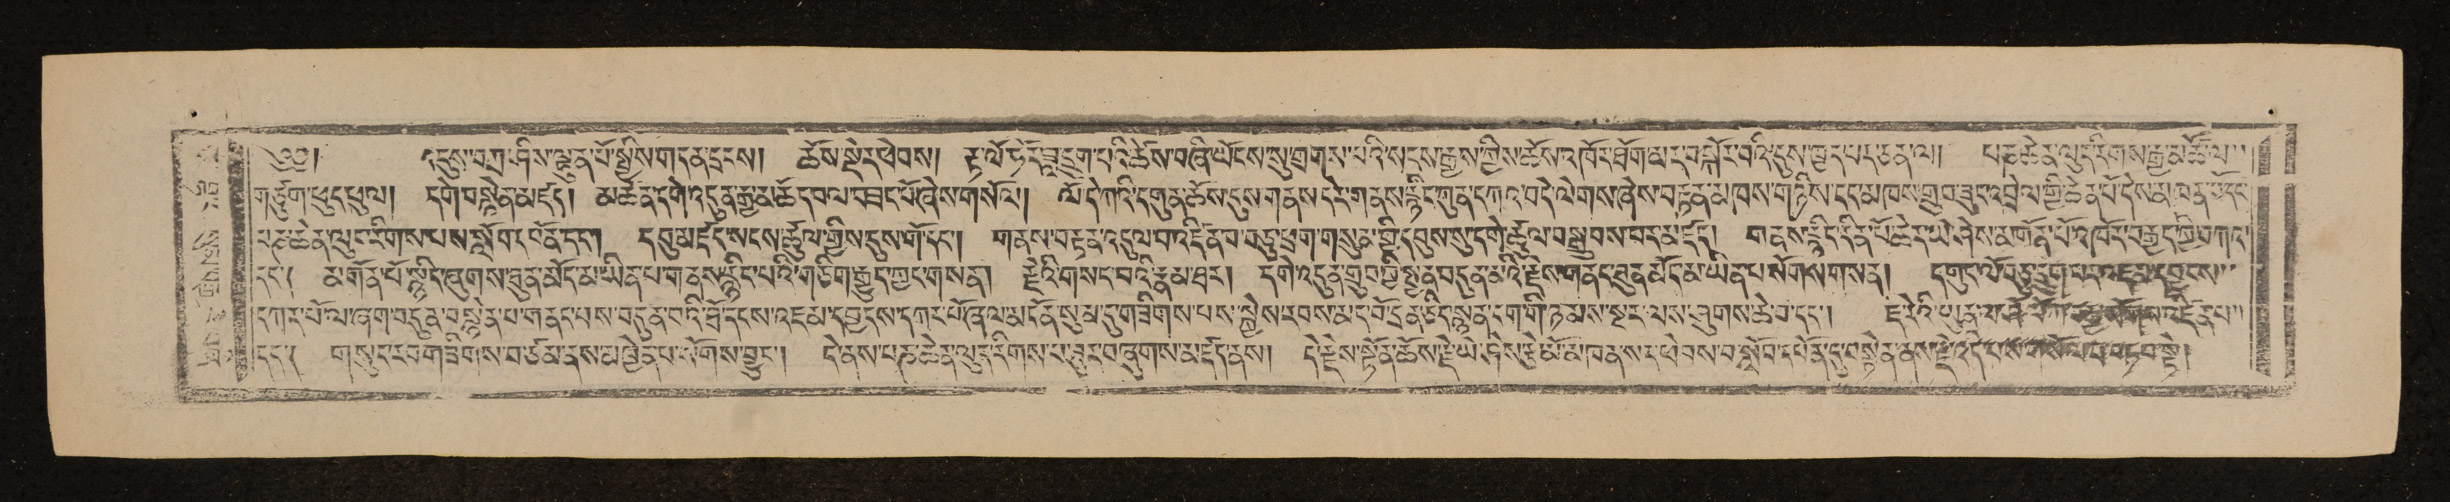༄༅། །དུས་བཀྲ་ཤིས་ལྷུན་པོ་སྤྱིས་གདན་དྲངས། ཆོས་སྡེར་ཕེབས། རྟ་ལོ་ཧོར་ཟླ་དྲུག་པའི་ཚེས་བཞི་ཡོངས་སུ་གྲགས་པའི་སངས་རྒྱས་ཀྱིས་ཆོས་འཁོར་ཐོག་མར་བསྐོར་བའི་དུས་ཁྱད་པར་ཅན་ལ། པཎ་ཆེན་ལུང་རིགས་རྒྱ་མཚོ་ལ་
གཙུག་ཕུང་ཕུལ། དགེ་བསྙེན་མཛད། མཚན་དགེ་འདུན་རྒྱ་མཚོ་དཔལ་བཟང་པོ་ཞེས་གསོལ། ལོ་དེ་ཀའི་དགུན་ཆོས་དུས་གནས་དེར་གནས་རྙིད་ཀུན་དགའ་བདེ་ལེགས་ཞེས་བརྟན་མཁས་གཉིས་དང་མཁས་གྲུབ་ཟུང་འབྲེལ་གྱི་ཆེན་པོ་དེས་མཁན་པོ་དང་།
པཎ་ཆེན་ལུང་རིགས་པས་སློབ་དཔོན་དང་། དབུ་མཛད་སངས་ཚུལ་གྱིས་དུས་གོ་དང་། གནས་བརྟན་འདུལ་བ་འཛིན་པ་བཅུ་ཕྲག་གསུམ་གྱི་དབུས་སུ་དགེ་ཚུལ་བསྒྲུབས་པར་མཛད། གནས་རྙིང་རིན་པོ་ཆེར་ཡེ་ཤེས་མགོན་པོ་འཁོར་བརྒྱད་ཀྱི་བཀའ་
དང༑ མགོན་པོ་སྙིང་ཞུགས་ཐུན་མོང་མ་ཡིན་པ་གནས་རྙིང་པའི་གཅིག་རྒྱུད་ཀྱང་གསན། རྗེའི་གསང་པའི་རྣམ་ཐར། དགེ་འདུན་གྲུབ་ཀྱི་སྤྱན་བདུན་མའི་རྗེས་གནང་ཐུན་མོང་མ་ཡིན་པ་སོགས་གསན། དགུང་ལོ་བཅུ་དྲུག་པར་འཇམ་དབྱངས་
དཀར་པོ་ལ་ཞག་བདུན་བསྙེན་པ་གནང་བས་བདུན་པའི་ཐོ་རངས་འཇམ་དབྱངས་དཀར་པོ་ཞལ་མངོན་སུམ་དུ་གཟིགས་པས་སྐྱེས་རབས་མང་པོ་དྲན་ཅིང་སྙན་ངག་གི་ཉམས་སྔར་ལས་ཤུགས་ཆེ་བ་དང་། ཇ་རེའི་ཡུན་ལ་ཤོ་ལོ་ཀ་བརྒྱ་སོགས་འཛིན་པ་
དང༑ གསུང་རབ་གཟིགས་པ་ཙམ་ནས་མཁྱེན་པ་སོགས་བྱུང་། དེ་ནས་པཎ་ཆེན་ལུང་རིགས་བ་ཟུར་བཞུགས་མཛད་ནས། དེ་རྗེས་སྟོན་ཆོས་རྗེ་ཡེ་ཤེས་རྩེ་མོ་མཁན་སར་ཕེབས་པ་སློབ་དཔོན་དུ་བསྟེན་ནས་རྗེ་འདེབས་གསོལ་བ་བཏབ་སྟེ།